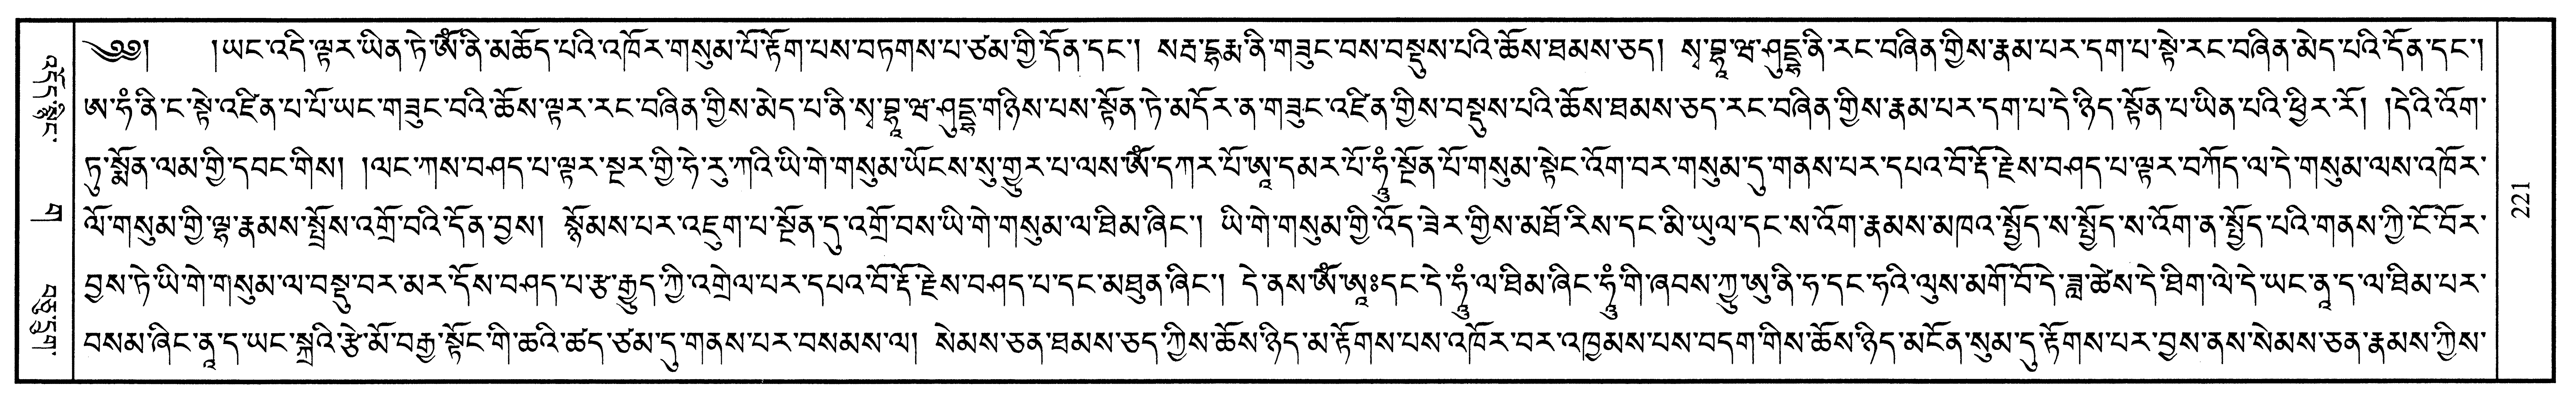༄༅། །ཡང་འདི་ལྟར་ཡིན་ཏེ་ཨོཾ་ནི་མཆོད་པའི་འཁོར་གསུམ་པོ་རྟོག་པས་བཏགས་པ་ཙམ་གྱི་དོན་དང་། སརྦ་དྷརྨ་ནི་གཟུང་བས་བསྡུས་པའི་ཆོས་ཐམས་ཅད། སྭ་བྷཱ་ཝ་ཤུདྡྷ་ནི་རང་བཞིན་གྱིས་རྣམ་པར་དག་པ་སྟེ་རང་བཞིན་མེད་པའི་དོན་དང་།
ཨ་ཧཾ་ནི་ང་སྟེ་འཛིན་པ་པོ་ཡང་གཟུང་བའི་ཆོས་ལྟར་རང་བཞིན་གྱིས་མེད་པ་ནི་སྭ་བྷཱ་ཝ་ཤུདྡྷ་གཉིས་པས་སྟོན་ཏེ་མདོར་ན་གཟུང་འཛིན་གྱིས་བསྡུས་པའི་ཆོས་ཐམས་ཅད་རང་བཞིན་གྱིས་རྣམ་པར་དག་པ་དེ་ཉིད་སྟོན་པ་ཡིན་པའི་ཕྱིར་རོ། །དེའི་འོག་
ཏུ་སྨོན་ལམ་གྱི་དབང་གིས། །ལང་ཀས་བཤད་པ་ལྟར་སྔར་གྱི་ཧེ་རུ་ཀའི་ཡི་གེ་གསུམ་ཡོངས་སུ་གྱུར་པ་ལས་ཨོཾ་དཀར་པོ་ཨཱ་དམར་པོ་ཧཱུཾ་སྔོན་པོ་གསུམ་སྟེང་འོག་བར་གསུམ་དུ་གནས་པར་དཔའ་བོ་རྡོ་རྗེས་བཤད་པ་ལྟར་བཀོད་ལ་དེ་གསུམ་ལས་འཁོར་
ལོ་གསུམ་གྱི་ལྷ་རྣམས་སྤྲོས་འགྲོ་བའི་དོན་བྱས། སྙོམས་པར་འཇུག་པ་སྔོན་དུ་འགྲོ་བས་ཡི་གེ་གསུམ་ལ་ཐིམ་ཞིང་། ཡི་གེ་གསུམ་གྱི་འོད་ཟེར་གྱིས་མཐོ་རིས་དང་མི་ཡུལ་དང་ས་འོག་རྣམས་མཁའ་སྤྱོད་ས་སྤྱོད་ས་འོག་ན་སྤྱོད་པའི་གནས་ཀྱི་ངོ་བོར་
བྱས་ཏེ་ཡི་གེ་གསུམ་ལ་བསྡུ་བར་མར་དོས་བཤད་པ་རྩ་རྒྱུད་ཀྱི་འགྲེལ་པར་དཔའ་བོ་རྡོ་རྗེས་བཤད་པ་དང་མཐུན་ཞིང་། དེ་ནས་ཨོཾ་ཨཱཿ དང་དེ་ཧཱུཾ་ལ་ཐིམ་ཞིང་ཧཱུཾ་གི་ཞབས་ཀྱུ་ཨུ་ནི་ཧ་དང་ཧའི་ལུས་མགོ་བོ་དེ་ཟླ་ཚེས་དེ་ཐིག་ལེ་དེ་ཡང་ནཱ་ད་ལ་ཐིམ་པར་
བསམ་ཞིང་ནཱ་ད་ཡང་སྐྲའི་རྩེ་མོ་བརྒྱ་སྟོང་གི་ཆའི་ཚད་ཙམ་དུ་གནས་པར་བསམས་ལ། སེམས་ཅན་ཐམས་ཅད་ཀྱིས་ཆོས་ཉིད་མ་རྟོགས་པས་འཁོར་བར་འཁྱམས་པས་བདག་གིས་ཆོས་ཉིད་མངོན་སུམ་དུ་རྟོགས་པར་བྱས་ནས་སེམས་ཅན་རྣམས་ཀྱིས་